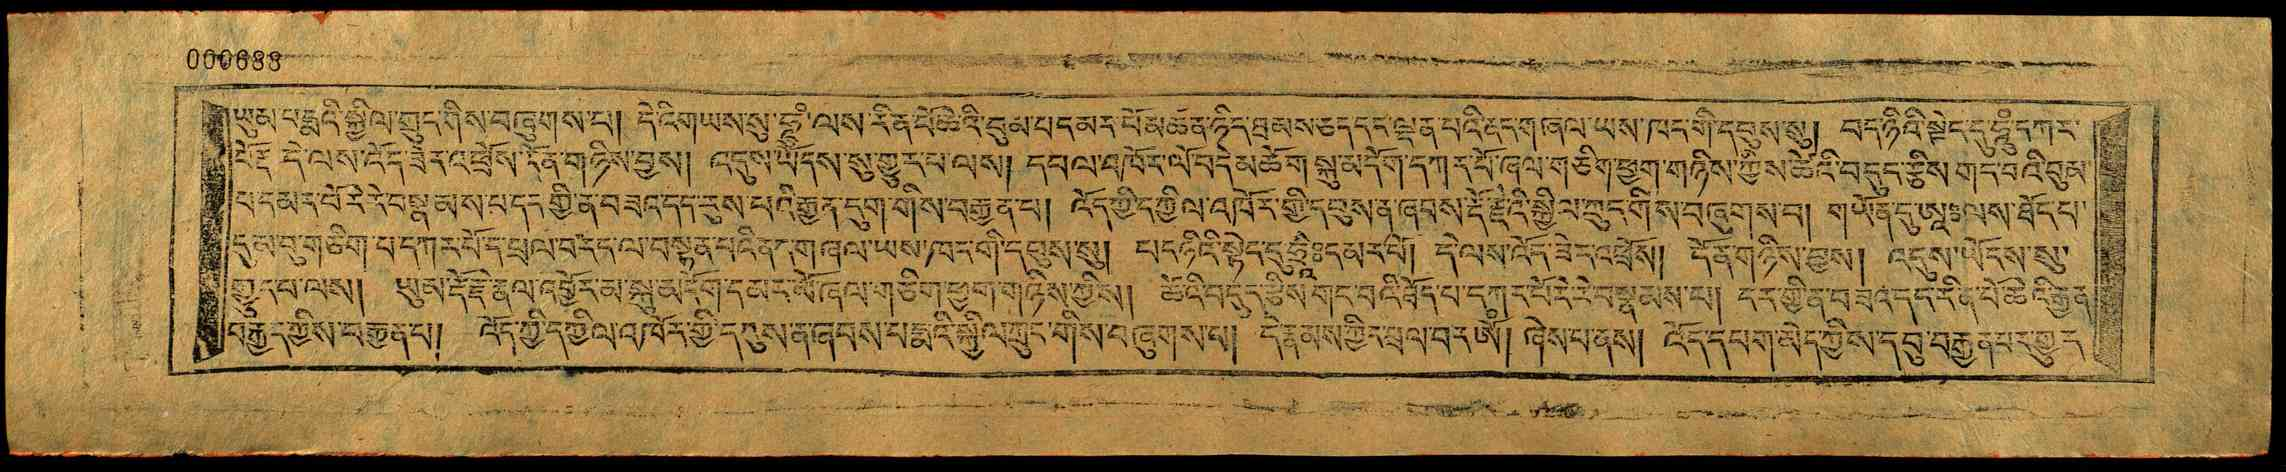ཡུམ་པདམའི་སྐྱིལ་ཀྲུང་གིས་བཞུགས་པ། དེའི་གཡས་སུ་བྷྲུཾ་ལས་རིན་པོ་ཆེའི་བུམ་པ་དམར་པོ་མཚན་ཉིད་ཐམས་ཅད་དང་ལྡན་པའི་ནང་གཞལ་ཡས་ཁང་གི་དབུས་སུ། པད་ཉིའི་སྟེང་དུ་ཧཱུཾ་དཀར་
པོ༑ དེ་ལས་འོད་ཟེར་འཕྲོས་དོན་གཉིས་བྱས། འདུས་ཡོངས་སུ་གྱུར་པ་ལས། དཔལ་འཁོར་ལོ་བདེ་མཆོག་སྐུ་མདོག་དཀར་པོ་ཞལ་གཅིག་ཕྱག་གཉིས་ཀྱིས་ཚེའི་བདུད་རྩིས་གང་བའི་བུམ་
པ་དམར་པོ་རེ་རེ་བསྣམས་པ་དར་གྱི་ན་བཟའ་དང་རུས་པའི་རྒྱན་དྲུག་གིས་བརྒྱན་པ། འོད་ཀྱི་དཀྱིལ་འཁོར་གྱི་དབུས་ན་ཞབས་རྡོ་རྗེའི་སྐྱིལ་ཀྲུང་གིས་བཞུགས་པ། གཡོན་དུ་ཨཱཿ ལས་ཐོད་པ་
དུམ་བུ་གཅིག་པ་དཀར་པོ་དཔྲལ་བ་རང་ལ་བསྟན་པའི་ནང་གཞལ་ཡས་ཁང་གི་དབུས་སུ། པད་ཉིའི་སྟེང་དུ་ཧྲཱིཿ དམར་པོ། དེ་ལས་འོད་ཟེར་འཕྲོས། དོན་གཉིས་བྱས། འདུས་ཡོངས་སུ་
གྱུར་པ་ལས། ཡུམ་རྡོ་རྗེ་རྣལ་འབྱོར་མ་སྐུ་མདོག་དམར་མོ་ཞལ་གཅིག་ཕྱག་གཉིས་ཀྱིས། ཚེའི་བདུད་རྩིས་གང་བའི་ཐོད་པ་དཀར་པོ་རེ་རེ་བསྣམས་པ། དར་གྱི་ན་བཟའ་དང་རིན་པོ་ཆེའི་རྒྱན་
བརྒྱད་ཀྱིས་བརྒྱན་པ། འོད་ཀྱི་དཀྱིལ་འཁོར་གྱི་དབུས་ན་ཞབས་པདམའི་སྐྱིལ་ཀྲུང་གིས་བཞུགས་པ། དེ་རྣམས་ཀྱི་དཔྲལ་བར་ཨོཾ། ཞེས་པ་ནས། འོད་དཔག་མེད་ཀྱིས་དབུ་བརྒྱན་པར་གྱུར་